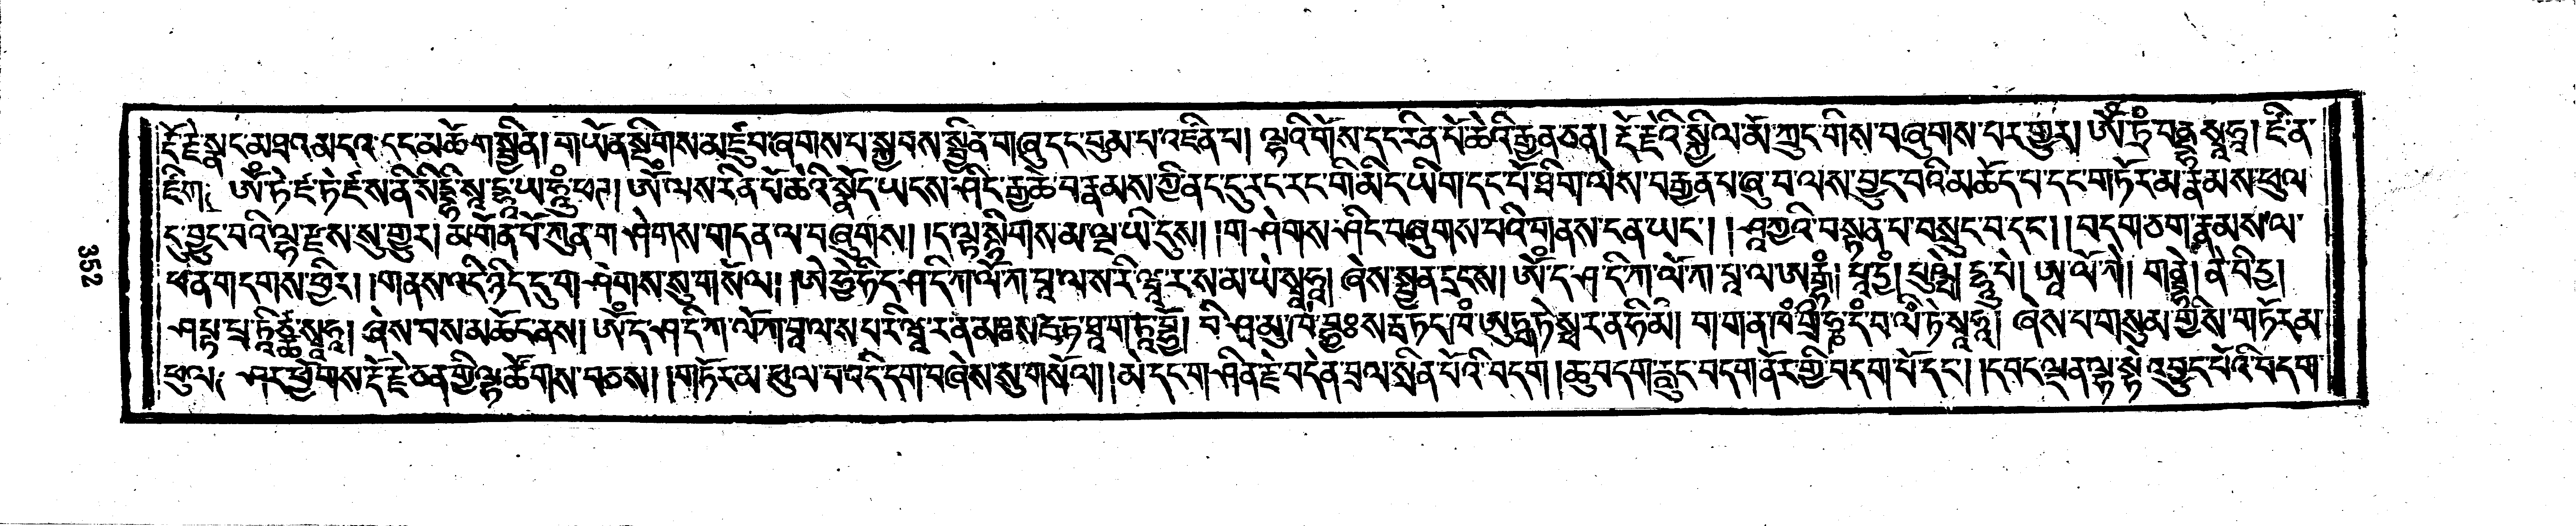རྡོ་རྗེ་སྣང་མཐའ་མདའ་དང་མཆོག་སྦྱིན། གཡོན་སྡིགས་མཛུབ་ཞགས་པ་སྐྱབས་སྦྱིན་གཞུ་དང་བུམ་པ་འཛིན་པ། ལྷའི་གོས་དང་རིན་པོ་ཆེའི་རྒྱན་ཅན། རྡོ་རྗེའི་སྐྱིལ་མོ་ཀྲུང་གིས་བཞུགས་པར་གྱུར། ཨོཾ་ཏྲཾ་བནྡྷ་སྭཱཧཱ། ཛི་ན་
ཛི་ཀ༑ ཨོཾ་ཏེ་ཛ་ཏེ་ཛ་ས་ནི་སིདྡྷི་སཱ་དྷཱ་ཡ་ཧཱུཾ་ཕཊ། ཨོཾ་ལས་རིན་པོ་ཆེའི་སྣོད་ཡངས་ཤིང་རྒྱ་ཆེ་བ་རྣམས་ཀྱི་ནང་དུ་རང་རང་གི་མིང་ཡིག་དང་པོ་ཐིག་ལེས་བརྒྱན་པ་ཞུ་བ་ལས་བྱུང་བའི་མཆོད་པ་དང་གཏོར་མ་རྣམས་ཕུལ་
དུ་བྱུང་བའི་ལྷ་རྫས་སུ་གྱུར། མགོན་པོ་ཀུན་གཤེགས་གདན་ལ་བཞུགས། །ད་ལྟ་སྙིགས་མ་ལྔ་ཡི་དུས། །གཤེགས་ཤིང་བཞུགས་པའི་གནས་ངན་ཡང་། །ཤཱཀྱའི་བསྟན་པ་བསྲུང་བ་དང་། །བདག་ཅག་རྣམས་ལ་
ཕན་གདགས་ཕྱིར། །གནས་འདི་ཉིད་དུ་གཤེགས་སུ་གསོལ། །ཨེ་ཧྱེ་ཧི་ད་ཤ་དི་ཀ་ལོ་ཀ་པཱ་ལ་ས་རི་ཝཱ་ར་ས་མ་ཡེ་སྭཱཧཱ། ཞེས་སྤྱན་དྲངས། ཨོཾ་ད་ཤ་དི་ཀ་ལོ་ཀ་པཱ་ལ་ཨརྒྷཾ། པཱ་དྱཾ། པུཥྤེ། དྷཱུ་པེ། ཨཱ་ལོ་ཀེ། གནྡྷེ། ནེ་བི་དྱ།
ཤཔྟ་པྲ་ཏཱི་ཙྪ་སྭཱཧཱ། ཞེས་པས་མཆོད་ནས། ཨོཾ་ད་ཤ་དི་ཀ་ལོ་ཀ་པཱ་ལ་ས་པ་རི་ཝཱ་ར་ན་མཿ སརྦ་ཏ་ཐཱ་ག་ཏཱ་བྷྱོ། བི་ཤྭ་མུ་ཁ་བྷྱཿ སརྦ་ཏད་ཁཾ་ཨུཏྒ་ཏེ་སྥ་ར་ན་ཧི་མཾ། ག་ག་ན་ཁཾ་གྲྀཧྞེ་དཾ་བ་ལིཾ་ཏེ་སྭཱཧཱ། ཞེས་པ་གསུམ་གྱིས་གཏོར་མ་
ཕུལ༑ ཤར་ཕྱོགས་རྡོ་རྗེ་ཅན་གྱི་ལྷ་ཚོགས་བཅས། །གཏོར་མ་ཕུལ་བ་འདི་དག་བཞེས་སུ་གསོལ། །མེ་དང་གཤིན་རྗེ་བདེན་བྲལ་སྲིན་པོའི་བདག །ཆུ་བདག་རླུང་བདག་ནོར་གྱི་བདག་པོ་དང་། །དབང་ལྡན་ལྷ་སྟེ་འབྱུང་པོའི་བདག་